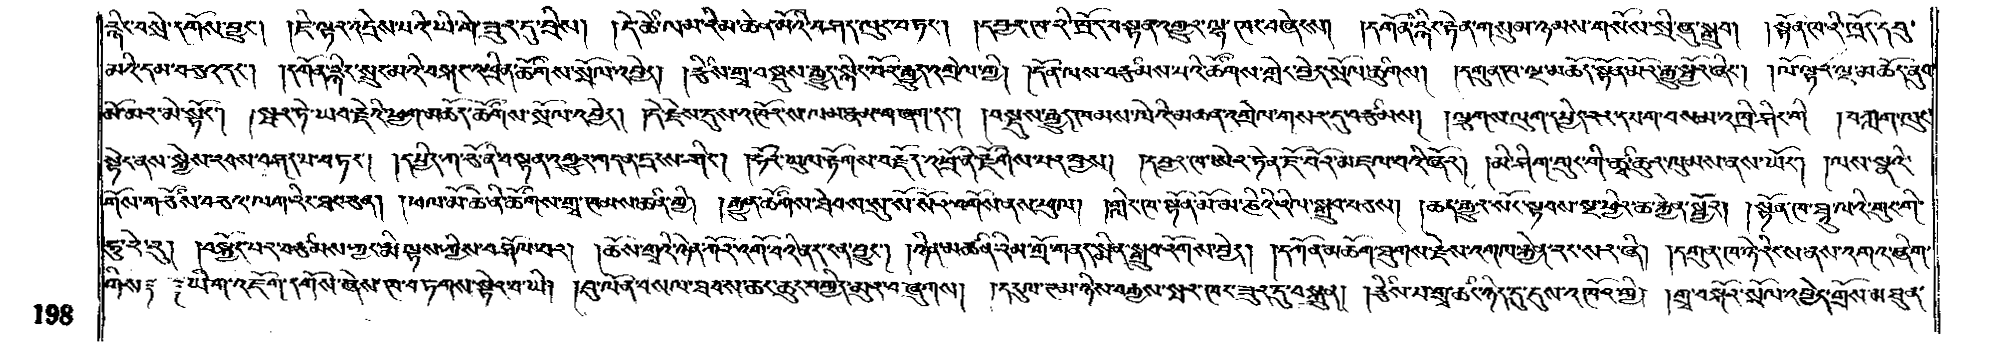རྙིང་བསྲེ་དགོས་བྱུང་། །ཇི་ལྟར་འདྲེས་པའི་ཡི་གེ་ཟུར་དུ་བྲིས། །དེ་ཚེ་ལམ་རིམ་ཆེན་མོའི་བཤད་ལུང་བཏང་། །དབྱར་ཁ་རི་ཁྲོད་བསྟན་འགྱུར་ལྷ་ཁང་བཞེངས། །དགོན་རྙིང་རྟེན་གསུམ་ཉམས་གསོས་སྲི་ཞུ་སྒྲུབ། །སྟོན་ཁ་རི་ཁྲོད་དབུ་
མའི་དམ་བཅའ་དང་། །དགོན་རྙིང་སྲུང་མའི་བསྐང་འཕྲིན་ཚོགས་སྲོལ་འབྱེད། །རྩིས་གྲྭ་བསྡུས་རྒྱུད་སྙིང་བོར་རྒྱུད་འགྲེལ་གྱི། །དོན་ལས་བརྩམས་པའི་ཚོགས་གླེང་བྱེད་སྲོལ་ཚུགས། །དགུན་ཁ་ལྔ་མཆོད་སྟོན་མོར་རྒྱུ་སྦྱོར་ཞིང་། །ལོ་ལྟར་ལྔ་མཆོད་ནུབ་
མོ་མར་མེ་སྟོང་། །སྦར་ཏེ་ཡབ་རྗེའི་ཕྱག་མཆོད་ཚོགས་སྲོལ་འབྱེད། །དེ་རྗེས་དུས་འཁོར་ས་ལམ་རྣམ་གཞག་དང་། །བསྡུས་རྒྱུད་ཁམས་ལེའི་མཆན་འགྲེལ་གསར་དུ་བརྩམས། །ལྕགས་ལུག་དབྱེད་རར་དཔག་བསམ་འཁྲི་ཤིང་གི །བཀླག་ལུང་
སྟེང་ནས་སྐྱེས་རབས་བཤད་པ་བཏང་། །དཔྱིད་ཀ་ཅོ་ནི་བསྟན་འགྱུར་གདན་དྲངས་ཤིང་། །ཧོར་ཡུལ་རྟོགས་བརྗོད་འཕྲོ་ནི་རྫོགས་པར་བྱས། །དབྱར་ཁ་ཨེར་ཏེན་ཇོ་བོར་མཇལ་བའི་ཞོར། །མི་ཤིག་གུང་གི་ཚྭ་ཆུར་ཁུམས་ནས་ཡོང་། །ལས་སྣའི་
གོས་གཙོས་བཅའ་ལག་རིང་ཐང་ཅན། །ཕལ་མོ་ཆེ་ནི་ཚོགས་གྲྭ་ཁམས་ཚན་གྱི། །རྒྱུན་ཚོགས་ཐེབས་སུ་སོར་བགོས་ནས་ཕུལ། །གླིང་ཁ་སྟོན་མོ་མ་ཎིའི་རིལ་སྒྲུབ་བཅས། །ཆད་རྒྱུར་སོང་སྟབས་སྔ་ཕྱིར་ཆ་རྐྱེན་སྦྱོར། །སྟོན་ཁ་ཐཱུ་ལའི་གུང་གི་
ཧུ་རེ་རུ། །བསྐྱོད་པར་བརྩམས་ཀྱང་རྨི་ལྟས་ཀྱིས་བཤོལ་བར། །ཆོས་གྲྭའི་ཉེན་ཀོར་འགོ་བའི་ནད་ངན་བྱུང་། །ཉིན་མཚན་རིམ་གྲོ་གནད་སྨིན་སྒྲུབ་རོགས་བྱེད། །དཀོན་མཆོག་ཐུགས་རྗེས་འགལ་རྐྱེན་རང་སར་ཞི། །དགུན་ཁ་ཉེ་རིང་ས་ནས་འགའ་ཞིག་
གིས༑ ༑ཡིག་འཇོག་དགོས་ཞེས་ཁ་བཏགས་སྟེར་བ་ཡི། །བུ་ལོན་བསལ་ཐབས་ཆང་ཆུང་བགྱིད་མུར་བཞུགས། །དངུལ་ཊམ་ཉིས་བརྒྱས་སྤར་ཁང་ཟུར་དུ་བསྐྲུན། །རྩིས་པ་གྲྭ་ཚང་ཉིད་དུ་དུས་འཁོར་གྱི། །གྲྭ་བསྐོར་སྲོལ་འབྱེད་གྲོས་མཐུན་